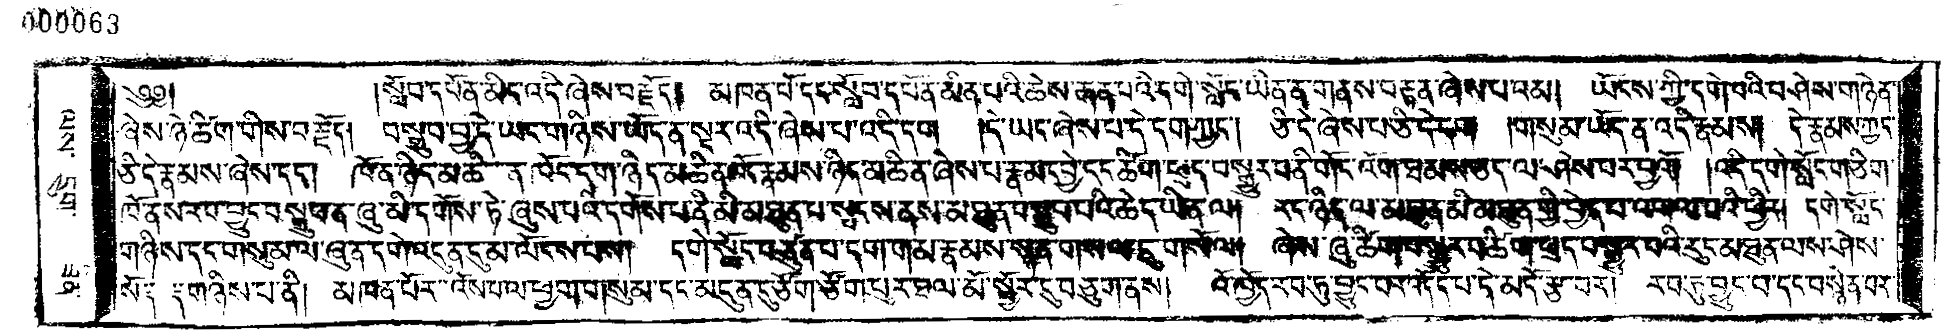༄༅། །སློབ་དཔོན་མིང་འདི་ཞེས་བརྗོད། མཁན་པོ་དང་སློབ་དཔོན་མིན་པའི་ཆེས་རྒན་པའི་དགེ་སློང་ཡིན་ན་གནས་བརྟན་ཞེས་པའམ། ཡོངས་ཀྱི་དགེ་བའི་བཤེས་གཉེན་
ཞེས་ཉེ་ཚིག་གིས་བརྗོད། བསྒྲུབ་བྱ་དེ་ཡང་གཉིས་ཡོད་ན་སྔར་འདི་ཞེས་པ་འདི་དག །དེ་ཡང་ཞེས་པ་དེ་དག་ཀྱང་། ཅི་དེ་ཞེས་པ་ཅི་དེ་དག །གསུམ་ཡོད་ན་འདི་རྣམས། དེ་རྣམས་ཀྱང་
ཅི་དེ་རྣམས་ཞེས་དང་། ཁོ་ན་ཉིད་མཆི་ན་ཁོང་དག་ཉིད་མཆི་ན་ཁོང་རྣམས་ཉིད་མཆི་ན་ཞེས་པ་རྣམ་དབྱེ་དང་ཚིག་ཕྲད་བསྒྱུར་བ་ནི་གོང་འོག་ཐམས་ཅད་ལ་ཤེས་པར་བྱའོ། །འདི་དགེ་སློང་གཅིག་
ཁོ་ནས་རབ་བྱུང་བསྒྲུབ་ན་ཞུ་མི་དགོས་ཏེ་ཞུས་པའི་དགོས་པ་ནི་མི་མཐུན་པ་སྤངས་ནས་མཐུན་བསྒྲུབ་པའི་ཆེད་ཡིན་ལ། རང་ཉིད་ལ་མཐུན་མི་མཐུན་གྱི་བྱེད་པ་འགལ་བའི་ཕྱིར། དགེ་སློང་
གཉིས་དང་གསུམ་ལ་ཞུ་ན་དགེ་འདུན་དུ་མ་ལོངས་པས། དགེ་སློང་བཙུན་པ་དག་གམ་རྣམས་སྙན་གསལ་དུ་གསོལ། ཞེས་ཞུ་ཚིག་བསྒྱུར་བ་ཚིག་ཕྲད་བསྒྱུར་བའི་རུང་མཐུན་ལས་ཤེས་
སོ༑ ༑གཉིས་པ་ནི། མཁན་པོར་འོས་པ་ལ་ཕྱག་གསུམ་དང་མདུན་དུ་ཙོག་ཙོག་པུར་ཐལ་མོ་སྦྱོར་དུ་བཅུག་ནས། འོ་ཁྱོད་རབ་ཏུ་བྱུང་བར་འདོད་པ་དེ་མདོ་རྩ་བར། རབ་ཏུ་བྱུང་བ་དང་བསྙེན་པར་